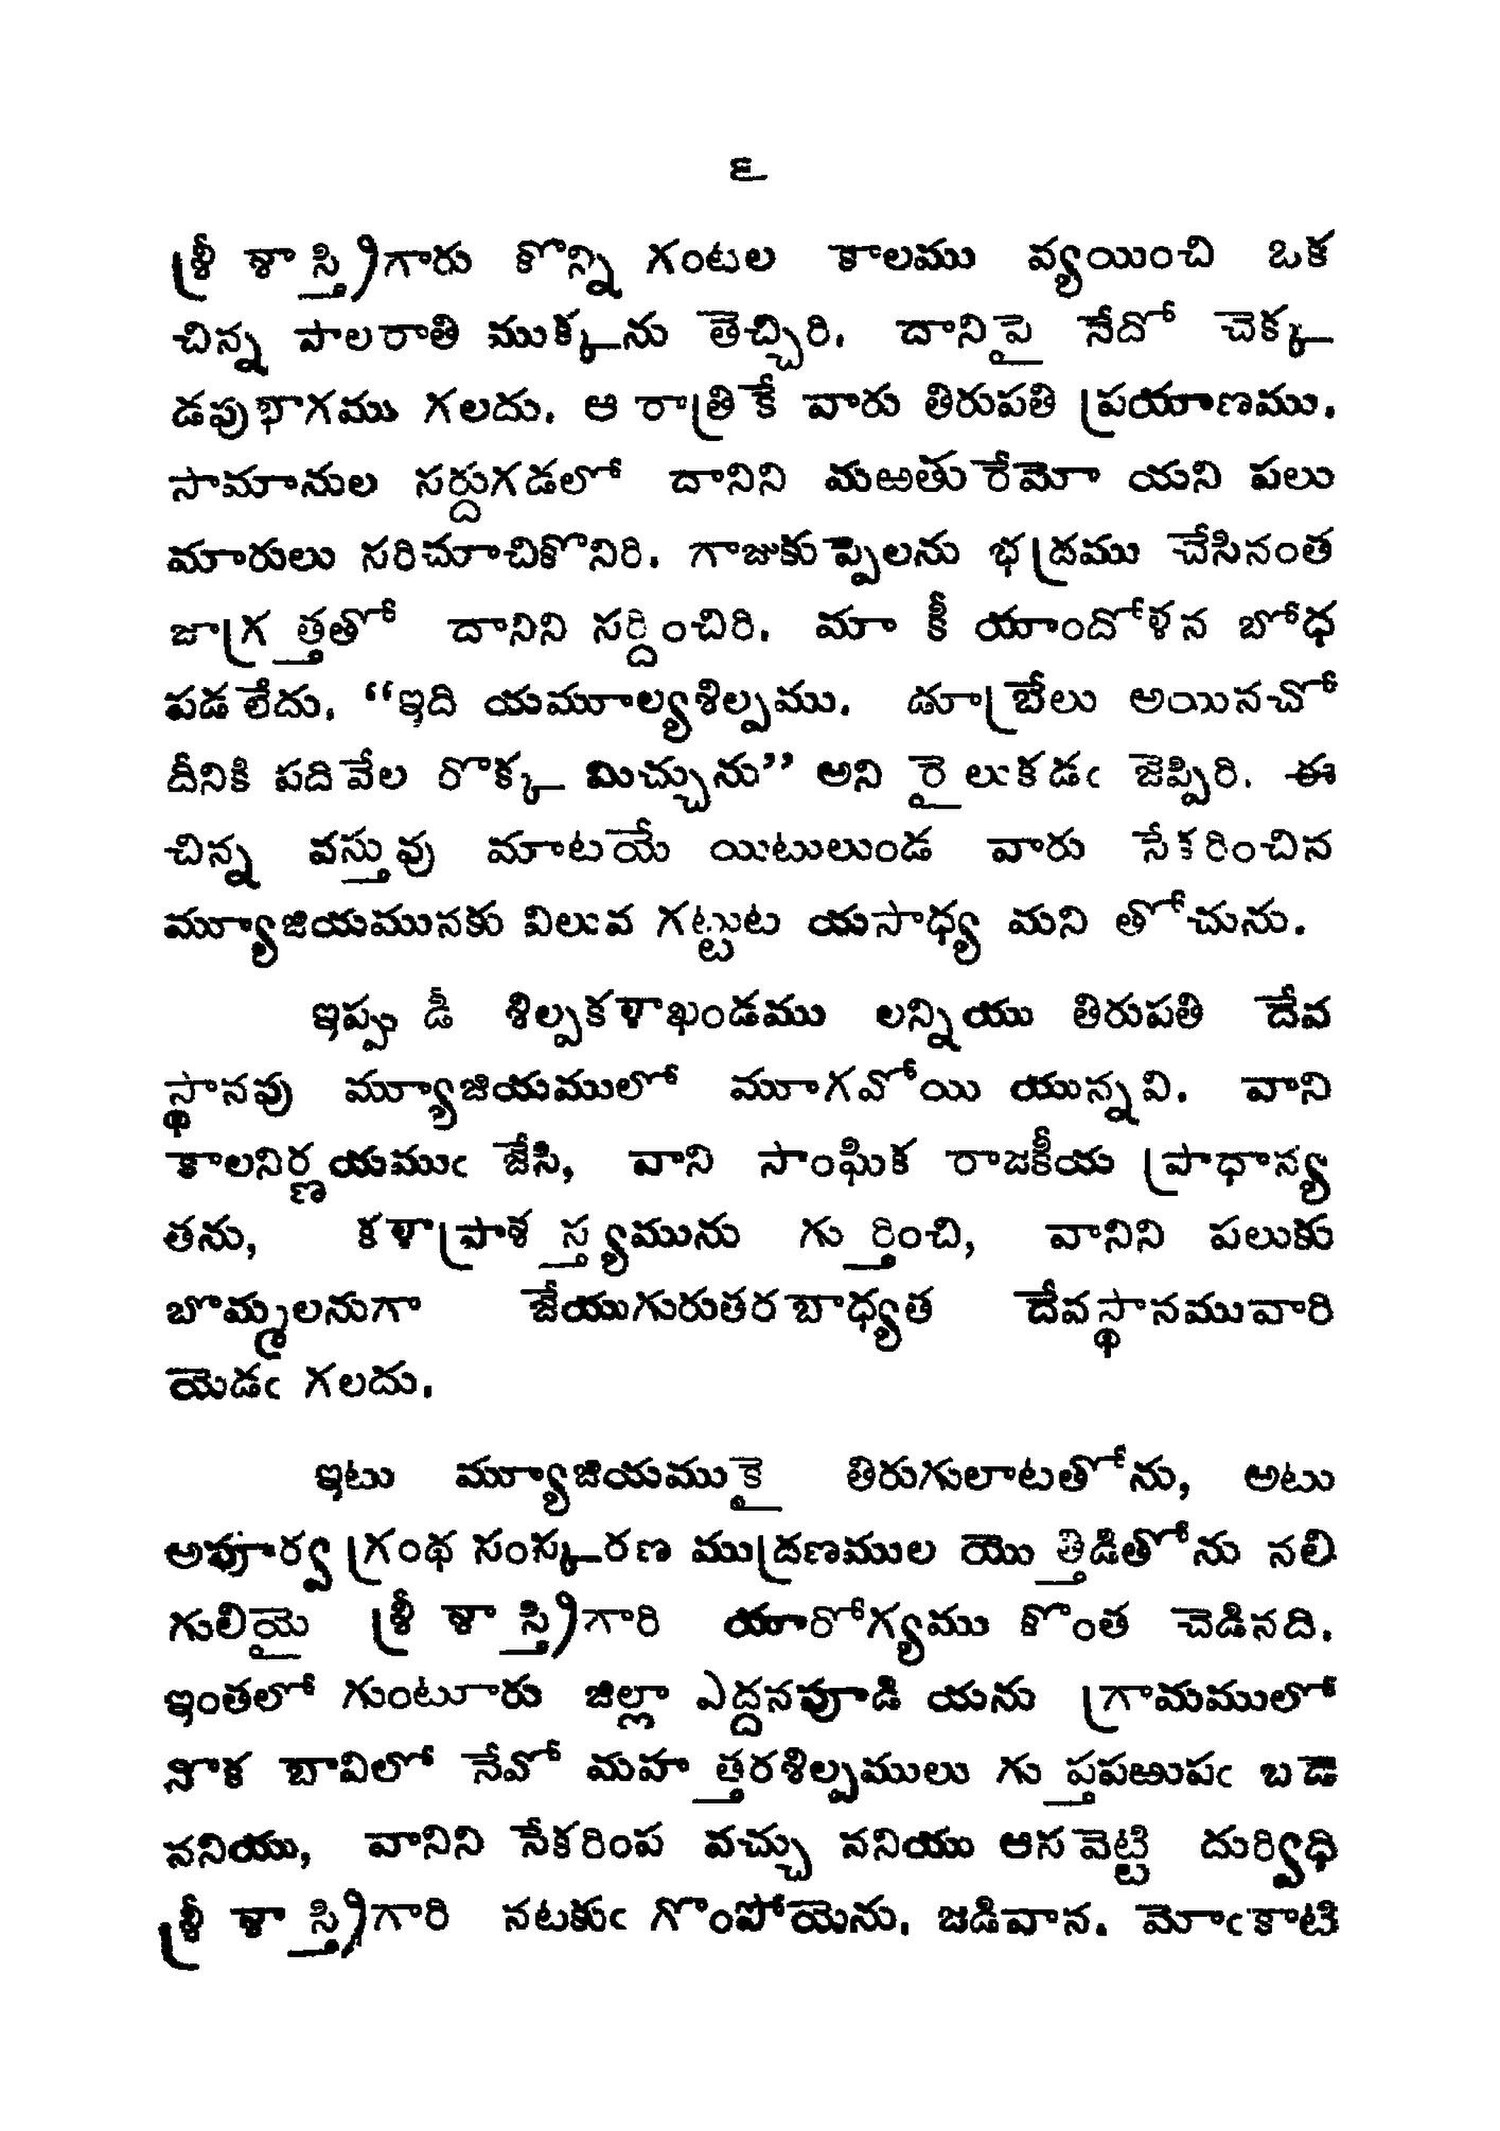శ్రీ శాస్త్రిగారు కొన్ని గంటల కాలము వ్యయించి ఒక చిన్న పాలరాతిముక్కను తెచ్చిరి. దానిపై నేదో చెక్కడపు భాగము గలదు. ఈ రాత్రికే వారు తిరుపతి ప్రయాణము. సామానుల సర్దుగడలో దానిని మఱతు రేమో యని పలుమారులు సరిచూచికొనిరి. గాజుకు ప్పెలను భద్రము చేసినంత జాగ్రత్తతో దానిని సర్దించిరి. మాకీ యాందోళన బోధపడలేదు." ఇదియమూల్యశిల్పము. డూబ్రేలు అయినచో దీనికి పదివేలు రొక్క మిచ్చును" అని రైలుకడఁ జెప్పిరి. ఈ చిన్న వస్తువు మాటయే యిటులుండ వారు సేకరించిన మ్యూజియమునకు విలువ గట్టుట యసాధ్యమని తోచును. 

 ఇప్పడీ శిల్పకళాఖండము లన్నియు తిరుపతి దేవస్దానపు మ్యూజియములో మూగవోయి యున్నవి. వాని కాలనిర్ణయముఁజేసి, వాని సాంఘిక రాజకీయ ప్రాధాన్యతను, కళా ప్రాశ స్త్యమును గుర్తించి, వానిని పలుకు బొమ్మలనుగా జేయుగుతురబాధ్యత దేవస్దానము వారి యెడఁగలదు.

 ఇటు మ్యూజియముకై తిరుగులాట తోను, అటు అపూర్వ గ్రంధసంస్కరణ ముద్రణములు యొత్తిడితోను నలిగులియై శ్రీ శాస్త్రిగారి యారోగ్యము కొంత చెడినది. ఇంతలో గుంటూరు జిల్లా ఎద్దనపూడి యను గ్రామములో నొక బావిలో నేవో మహత్తరశిల్పములు గుప్తపఱుపఁ బడెననియు, వానిని సేకరింపవచ్చుననియు ఆసవెట్టిదుర్విధి శ్రీ శాస్త్రిగారి నటకుఁగొంపోయెను. జడివాన మోఁ కాటి